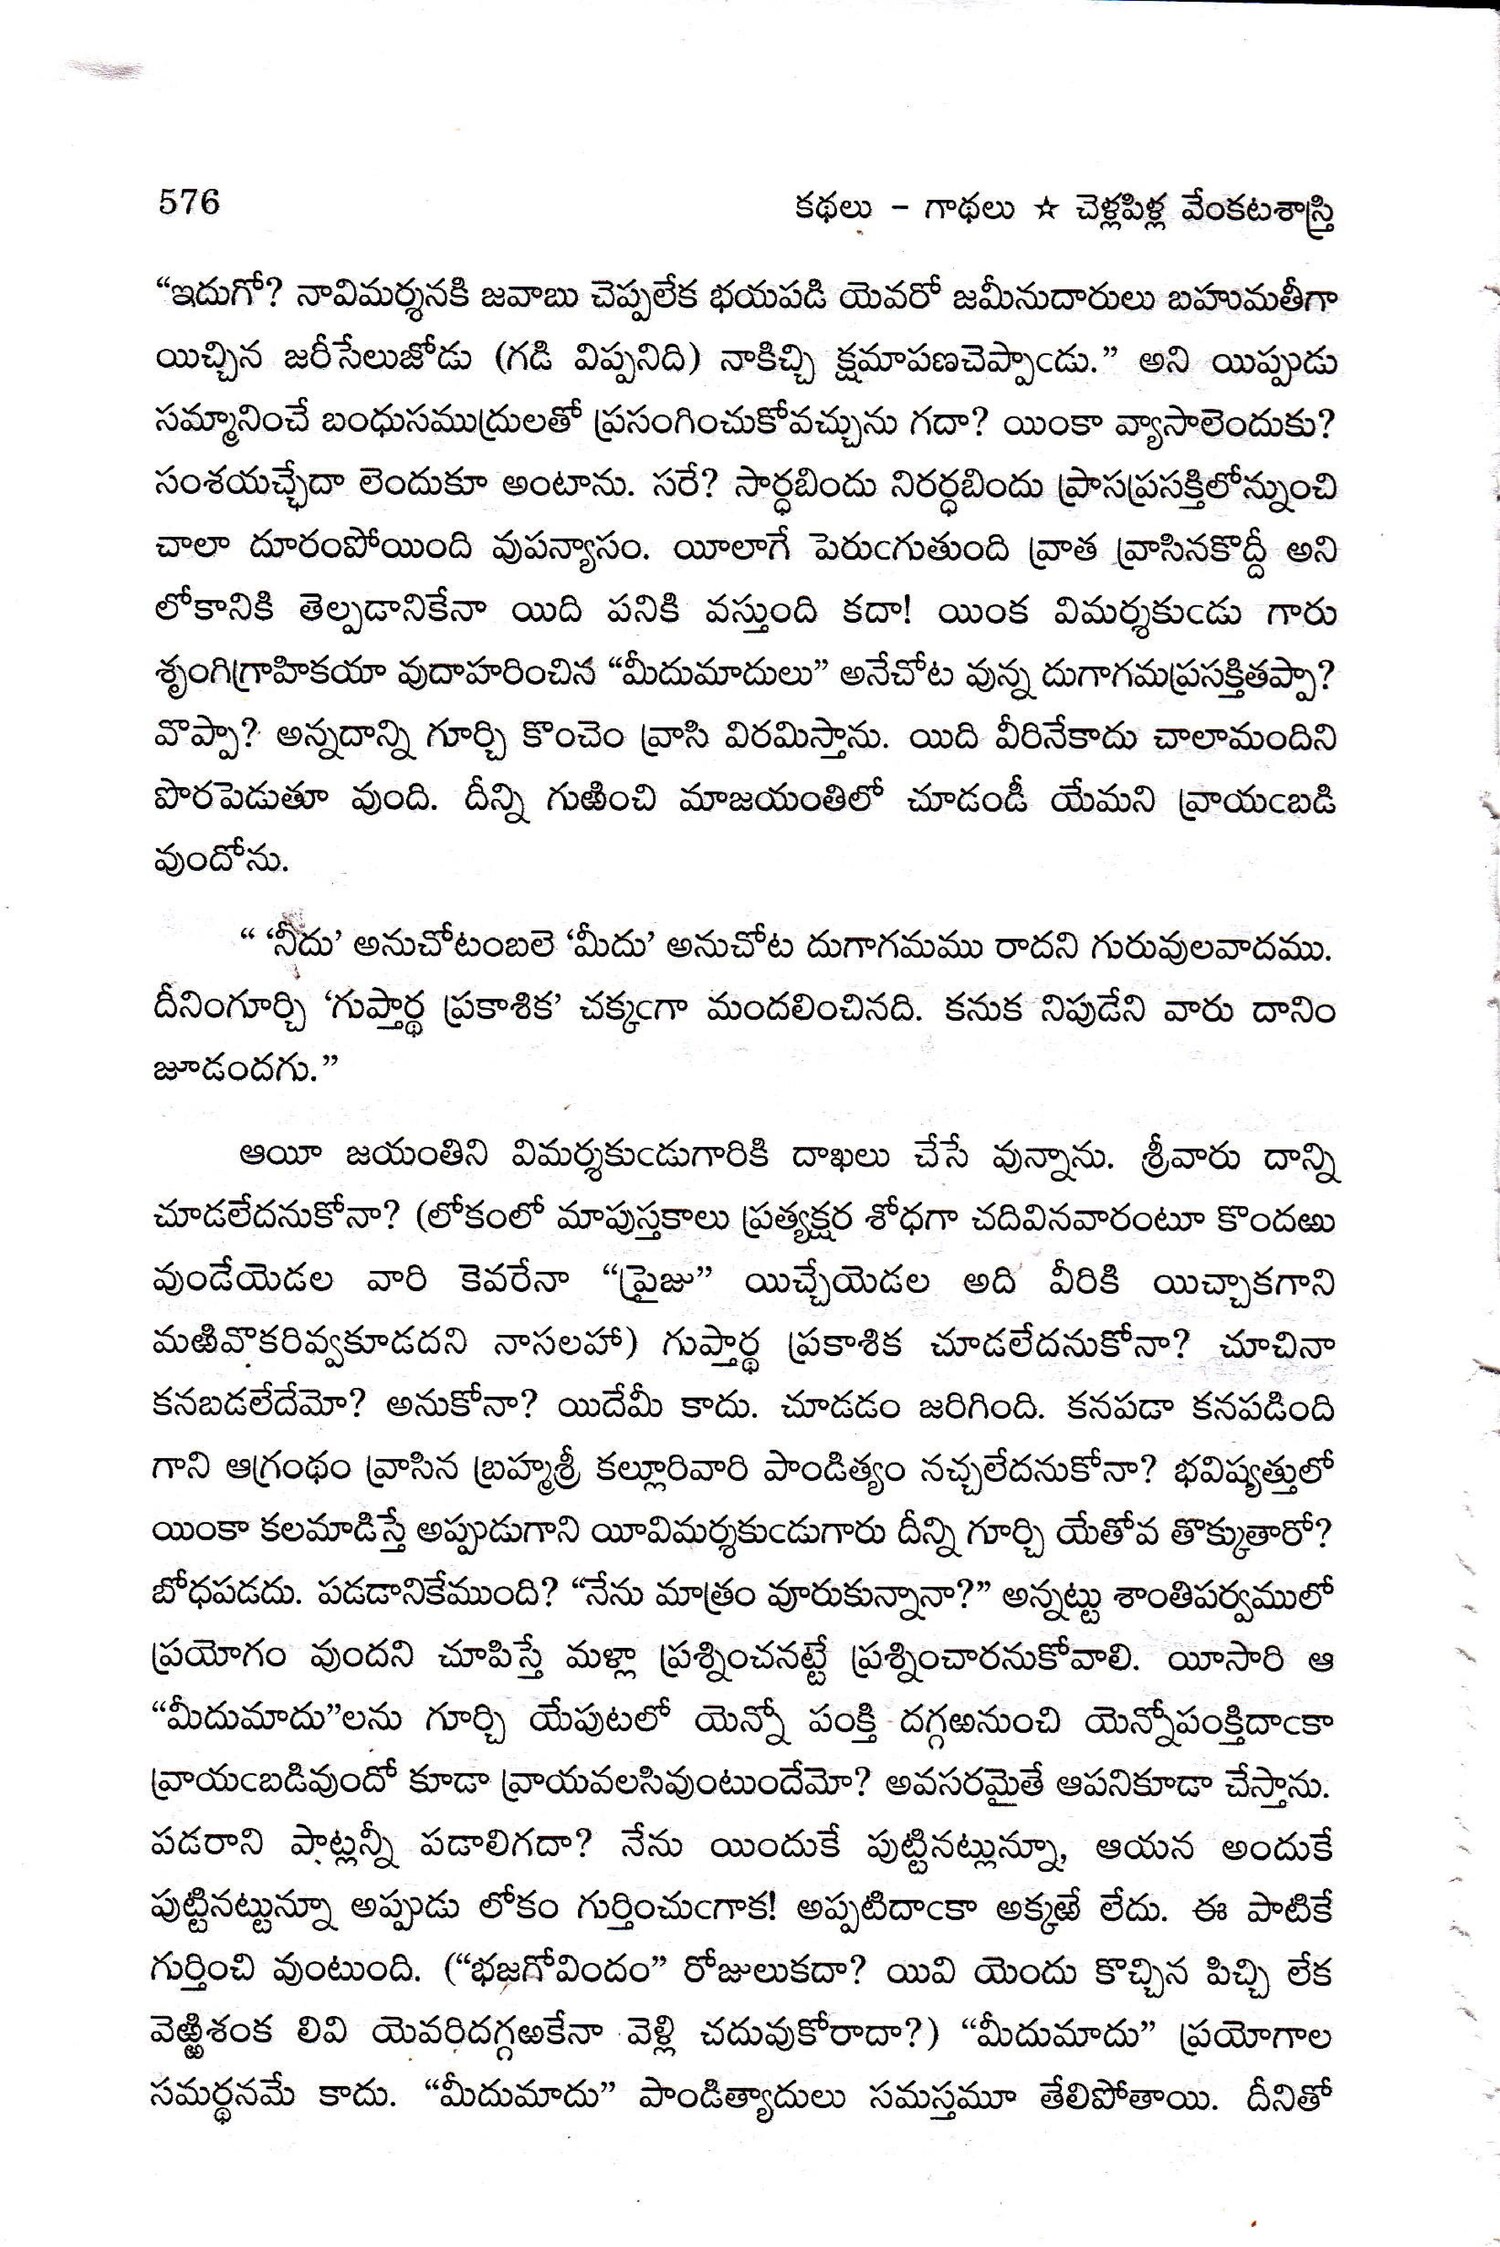“ఇదుగో? నావిమర్శనకి జవాబు చెప్పలేక భయపడి యెవరో జమీనుదారులు బహుమతీగా యిచ్చిన జరీసేలుజోడు (గడి విప్పనిది) నాకిచ్చి క్షమాపణచెప్పాఁడు." అని యిప్పుడు సమ్మానించే బంధుసముద్రులతో ప్రసంగించుకోవచ్చును గదా? యింకా వ్యాసాలెందుకు? సంశయచ్చేదా లెందుకూ అంటాను. సరే? సార్థబిందు నిరర్థబిందు ప్రాసప్రసక్తిలోన్నుంచి చాలా దూరంపోయింది వుపన్యాసం. యీలాగే పెరుఁగుతుంది వ్రాత వ్రాసినకొద్దీ అని లోకానికి తెల్పడానికేనా యిది పనికి వస్తుంది కదా! యింక విమర్శకుఁడు గారు శృంగిగ్రాహికయా వుదాహరించిన “మీదుమాదులు" అనేచోట వున్నదుగాగమప్రసక్తితప్పా? వొప్పా? అన్నదాన్ని గూర్చి కొంచెం వ్రాసి విరమిస్తాను. యిది వీరినేకాదు చాలామందిని పొరపెడుతూ వుంది. దీన్ని గుఱించి మాజయంతిలో చూడండీ యేమని వ్రాయఁబడి వుందోను.

" 'నీదు' అనుచోటంబలె 'మీదు' అనుచోట దుగాగమము రాదని గురువులవాదము. దీనింగూర్చి 'గుప్తార్థ ప్రకాశిక' చక్కఁగా మందలించినది. కనుక నిపుడేని వారు దానిం జూడందగు.”

ఆయీ జయంతిని విమర్శకుఁడుగారికి దాఖలు చేసే వున్నాను. శ్రీవారు దాన్ని చూడలేదనుకోనా? (లోకంలో మాపుస్తకాలు ప్రత్యక్షర శోధగా చదివినవారంటూ కొందఱు వుండేయెడల వారి కెవరేనా “ప్రైజు” యిచ్చేయెడల అది వీరికి యిచ్చాకగాని మఱివొకరివ్వకూడదని నాసలహా) గుప్తార్థ ప్రకాశిక చూడలేదనుకోనా? చూచినా కనబడలేదేమో? అనుకోనా? యిదేమీ కాదు. చూడడం జరిగింది. కనపడా కనపడింది గాని ఆగ్రంథం వ్రాసిన బ్రహ్మశ్రీ కల్లూరివారి పాండిత్యం నచ్చలేదనుకోనా? భవిష్యత్తులో యింకా కలమాడిస్తే అప్పుడుగాని యీవిమర్శకుఁడుగారు దీన్ని గూర్చి యేతోవ తొక్కుతారో? బోధపడదు. పడడానికేముంది? "నేను మాత్రం వూరుకున్నానా?" అన్నట్టు శాంతిపర్వములో ప్రయోగం వుందని చూపిస్తే మళ్లా ప్రశ్నించనట్టే ప్రశ్నించారనుకోవాలి. యీసారి ఆ “మీదుమాదు"లను గూర్చి యేపుటలో యెన్నో పంక్తి దగ్గఱనుంచి యెన్నోపంక్తిదాఁకా వ్రాయఁబడివుందో కూడా వ్రాయవలసివుంటుందేమో? అవసరమైతే ఆపనికూడా చేస్తాను. పడరాని షాట్లన్నీ పడాలిగదా? నేను యిందుకే పుట్టినట్లున్నూ, ఆయన అందుకే పుట్టినట్టున్నూ అప్పుడు లోకం గుర్తించుఁగాక! అప్పటిదాఁకా అక్కఱే లేదు. ఈ పాటికే గుర్తించి వుంటుంది. (“భజగోవిందం" రోజులుకదా? యివి యెందు కొచ్చిన పిచ్చి లేక వెఱ్ఱిశంక లివి యెవరిదగ్గఱకేనా వెళ్లి చదువుకోరాదా?) “మీదుమాదు" ప్రయోగాల సమర్ధనమే కాదు. “మీదుమాదు" పాండిత్యాదులు సమస్తమూ తేలిపోతాయి. దీనితో